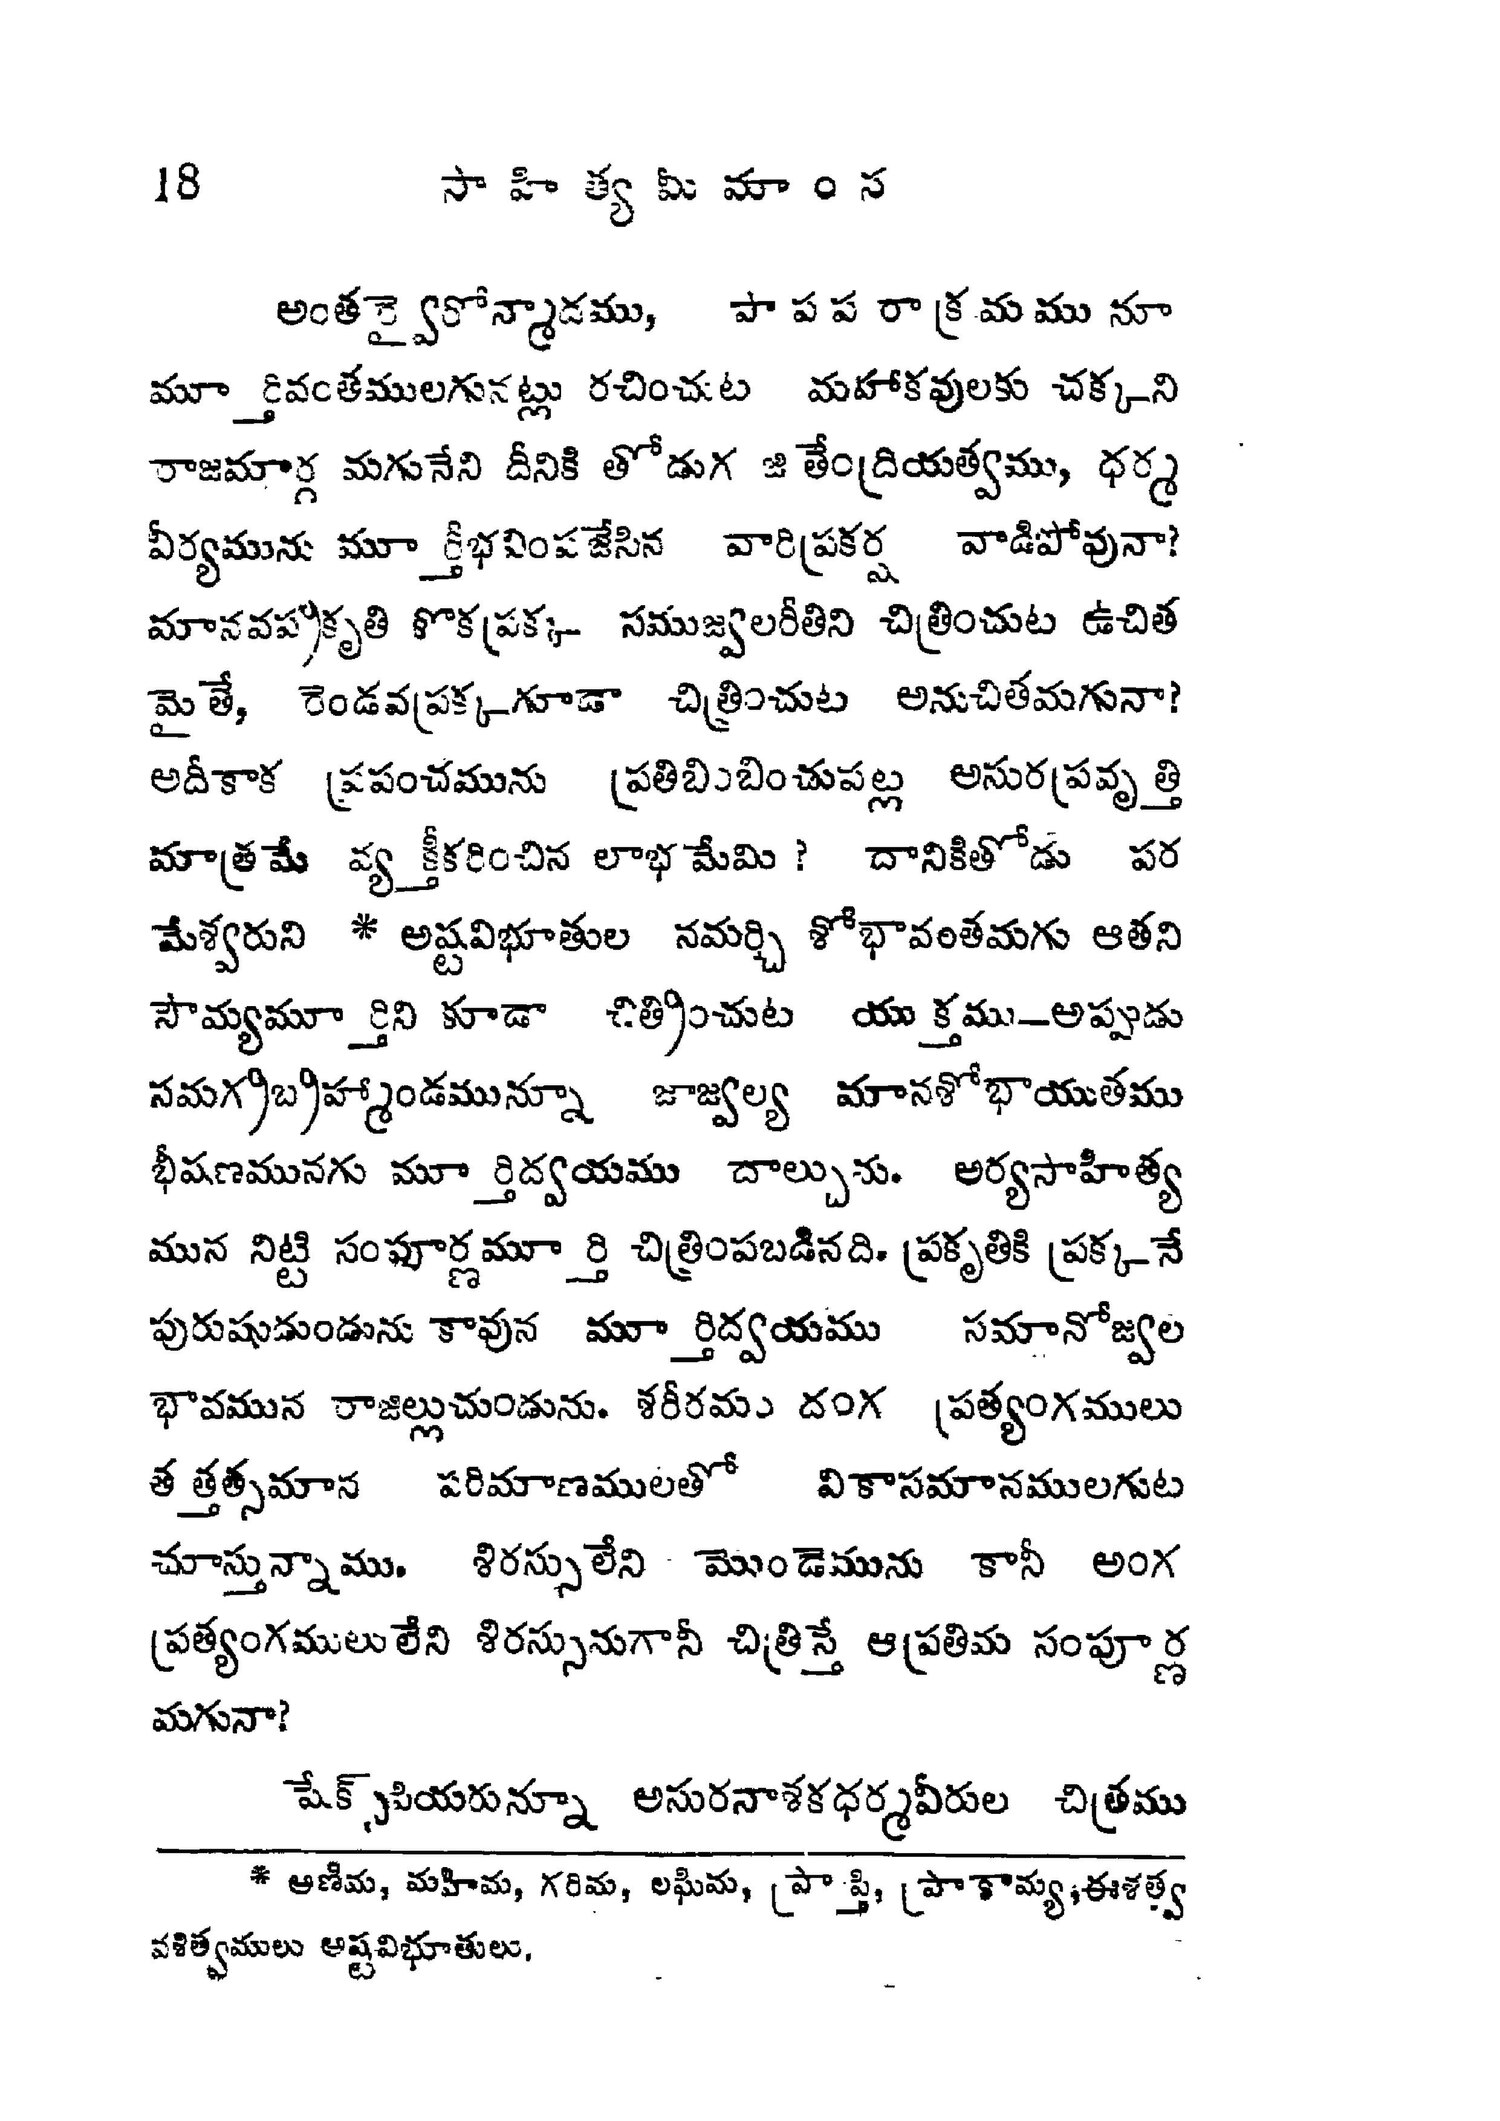అంతర్వైరోన్మాదము, పాపపరాక్రమమునూ మూర్తివంతములగునట్లు రచించుట మహాకవులకు చక్కని రాజమార్గ మగునేని దీనికి తోడుగ జితేంద్రియత్వము, ధర్మ వీర్యమును మూర్తీభవింపజేసిన వారిప్రకర్ష వాడిపోవునా? మానవప్రకృతి కొకప్రక్క సముజ్వలరీతిని చిత్రించుట ఉచితమైతే, రెండవప్రక్కగూడా చిత్రించుట అనుచితమగునా? అదీకాక ప్రపంచమును ప్రతిబింబించుపట్ల అసురప్రవృత్తి మాత్రమే వ్యక్తీకరించిన లాభమేమి? దానికితోడు పరమేశ్వరుని * అష్టవిభూతుల నమర్చి శోభావంతమగు ఆతని సౌమ్యమూర్తిని కూడా చిత్రించుట యుక్తము - అప్పుడు సమగ్రబ్రహ్మాండమున్నూ జాజ్వల్య మానశోభాయుతము భీషణమునగు మూర్తిద్వయము దాల్చును. ఆర్యసాహిత్యమున నిట్టి సంపూర్ణమూర్తి చిత్రింపబడినది. ప్రకృతికి ప్రక్కనే పురుషుడుండును కావున మూర్తిద్వయము సమానోజ్వల భావమున రాజిల్లుచుండును. శరీరమం దంగ ప్రత్యంగములు తత్తత్సమాన పరిమాణములతో వికాసమానములగుట చూస్తున్నాము. శిరస్సులేని మొండెమును కానీ అంగప్రత్యంగములులేని శిరస్సునుగానీ చిత్రిస్తే ఆప్రతిమ సంపూర్ణ మగునా?

షేక్స్‌పియరున్నూ అసురనాశకధర్మవీరుల చిత్రము